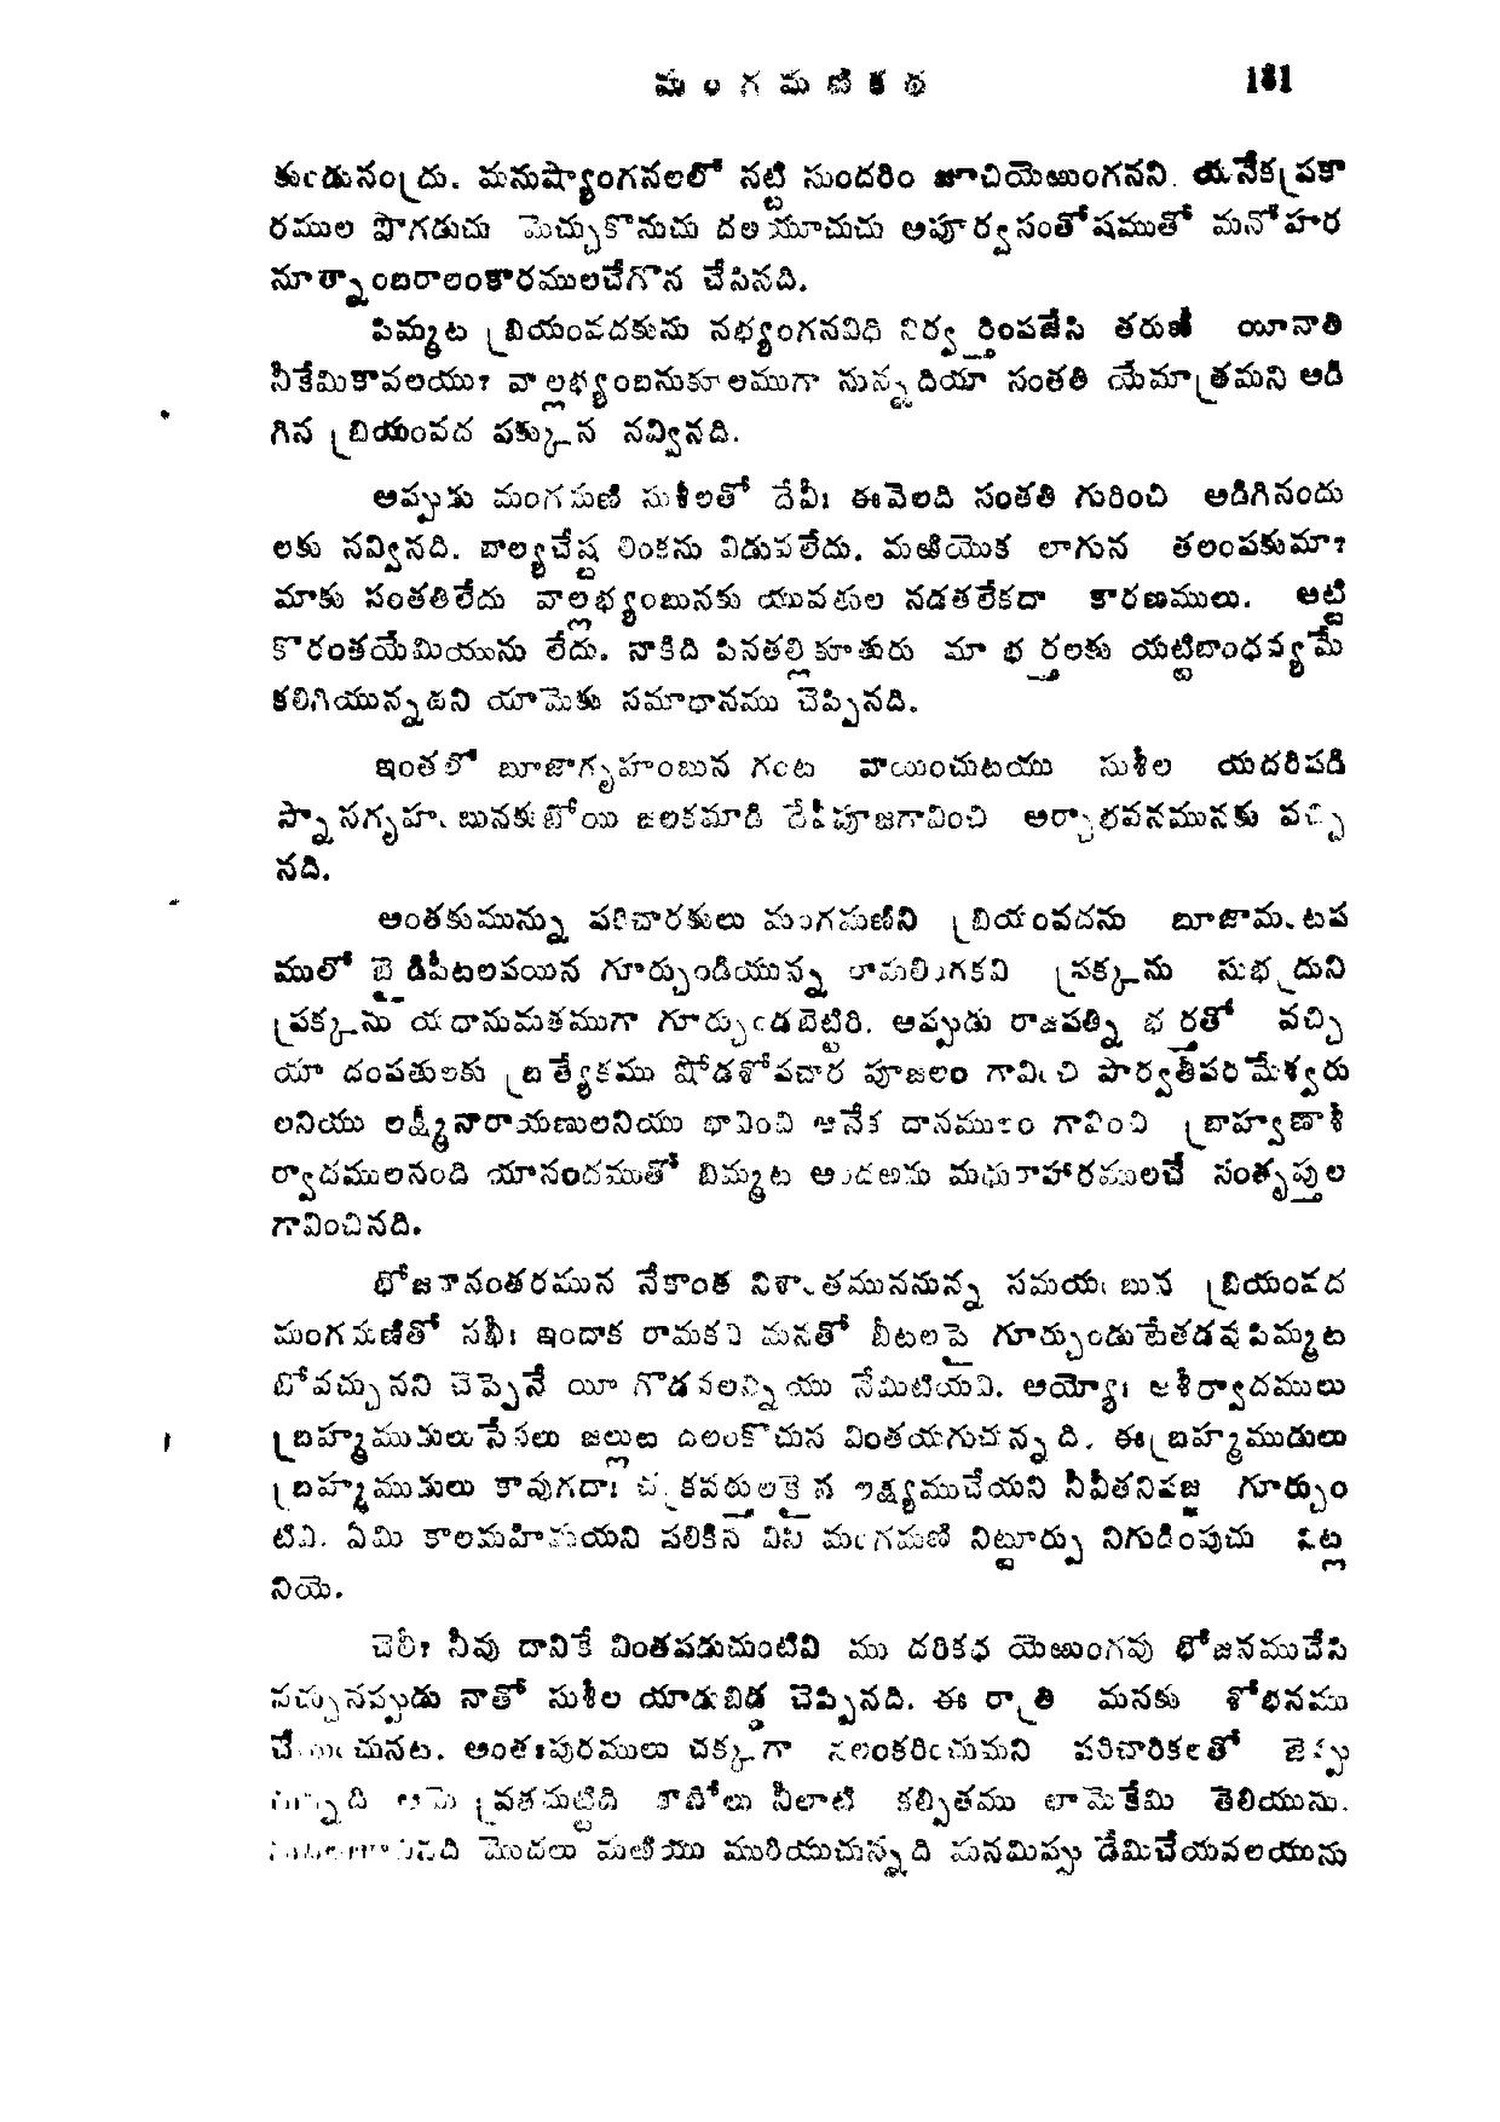కుండునంద్రు. మనుష్యాంగనలలో నట్టి సుందరిం జూచియెఱుంగనని యనేకప్రకారముల పొగడుచు మెచ్చుకొనుచు దలయూచుచు అపూర్వసంతోషముతో మనోహరనూత్నాంబరాలంకారముల చేగొన చేసినది.

పిమ్మట బ్రియంవదకును నభ్యంగనవిధి నిర్వర్తింపజేసి తరుణీ యీనాతి నీ కేమి కావలయు? వాల్లభ్యం బనుకూలముగా నున్నదియా సంతతి యేమాత్రమని ఆడిగిన బ్రియంవద పక్కున నవ్వినది.

అప్పుడు మంగమణి సుశీలతో దేవీ! ఈవెలది సంతతి గురించి అడిగినందులకు నవ్వినది. బాల్యచేష్ట లింకను విడువలేదు. మఱియొకలాగున తలంపకుమా? మాకు సంతతిలేదు. వాల్లభ్యంబునకు యువతుల నడతలేకదా కారణములు. అట్టి కొరంతయేమియును లేదు. నాకిది పినతల్లికూతురు మా భర్తలకు యట్టిబాంధవ్యమే కలిగియున్నదని యామెకు సమాధానము చెప్పినది.

ఇంతలో బూజాగృహంబున గంట వాయించుటయు సుశీల యదరిపడి స్నానగృహంబునకుబోయి జలకమాడి దేవీపూజగావించి అర్చాభవనమునకు వచ్చినది.

అంతకుమున్ను పరిచారకులు మంగమణిని బ్రియంవదను బూజామంటపములో బైడిపీటలపయిన గూర్చుండియున్న రామలింగకవి ప్రక్కను సుభద్రుని ప్రక్కను యథానుమతముగా గూర్చుండబెట్టిరి. అప్పుడు రాజపత్ని భర్తతో వచ్చి యా దంపతులకు బ్రత్యేకము షోడశోపచారపూజలం గావించి పార్వతీపరమేశ్వరులనియు లక్ష్మీనారాయణులనియు భావించి అనేక దానములం గావించి బ్రాహ్వణాశీర్వాదములనంది యానందముతో బిమ్మట అందఱును మధురాహారములచే సంతృప్తుల
గావించినది.

భోజనానంతరమున నేకాంతనిశాంతముననున్న సమయంబున బ్రియంవద మంగమణితో సఖీ! ఇందాక రామకవి మనతో బీటలపై గూర్చుండుటేతడవు పిమ్మట బోవచ్చునని చెప్పెనే యీ గొడవలన్నియు నేమిటియవి. అయ్యో! ఆశీర్వాదములు బ్రహ్మముడులు సేసలు జల్లుట దలంచుకొన వింతయగుచున్నది. ఈబ్రహ్మముడులు బ్రహ్మముడులు కావుగదా! చక్రవర్తులకైన లక్ష్యముచేయని నీ వీతనిపజ్జ గూర్చుంటివి. ఏమి కాలమహిమయని పలికిన విని మంగమణి నిట్టూర్పు నిగుడింపుచు నిట్లనియె.

చెలీ! నీవు దానికే వింతపడుచుంటివి ముందరికథ యెఱుంగవు భోజనముచేసి వచ్చునప్పుడు నాతో సుశీల యాడుబిడ్డ చెప్పినది. ఈ రాత్రి మనకు శోభనము చేయించునట. అంతఃపురములు చక్కగా నలంకరించుమని పరిచారికలతో జెప్పుచున్నది. ఆమె వ్రతమట్టిది కాబోలు. నీలాటి కల్పితము లామె కేమి తెలియును. మనల జూసినది మొదలు మఱియు మురియుచున్నది. మన మిప్పు డేమి చేయవలయును